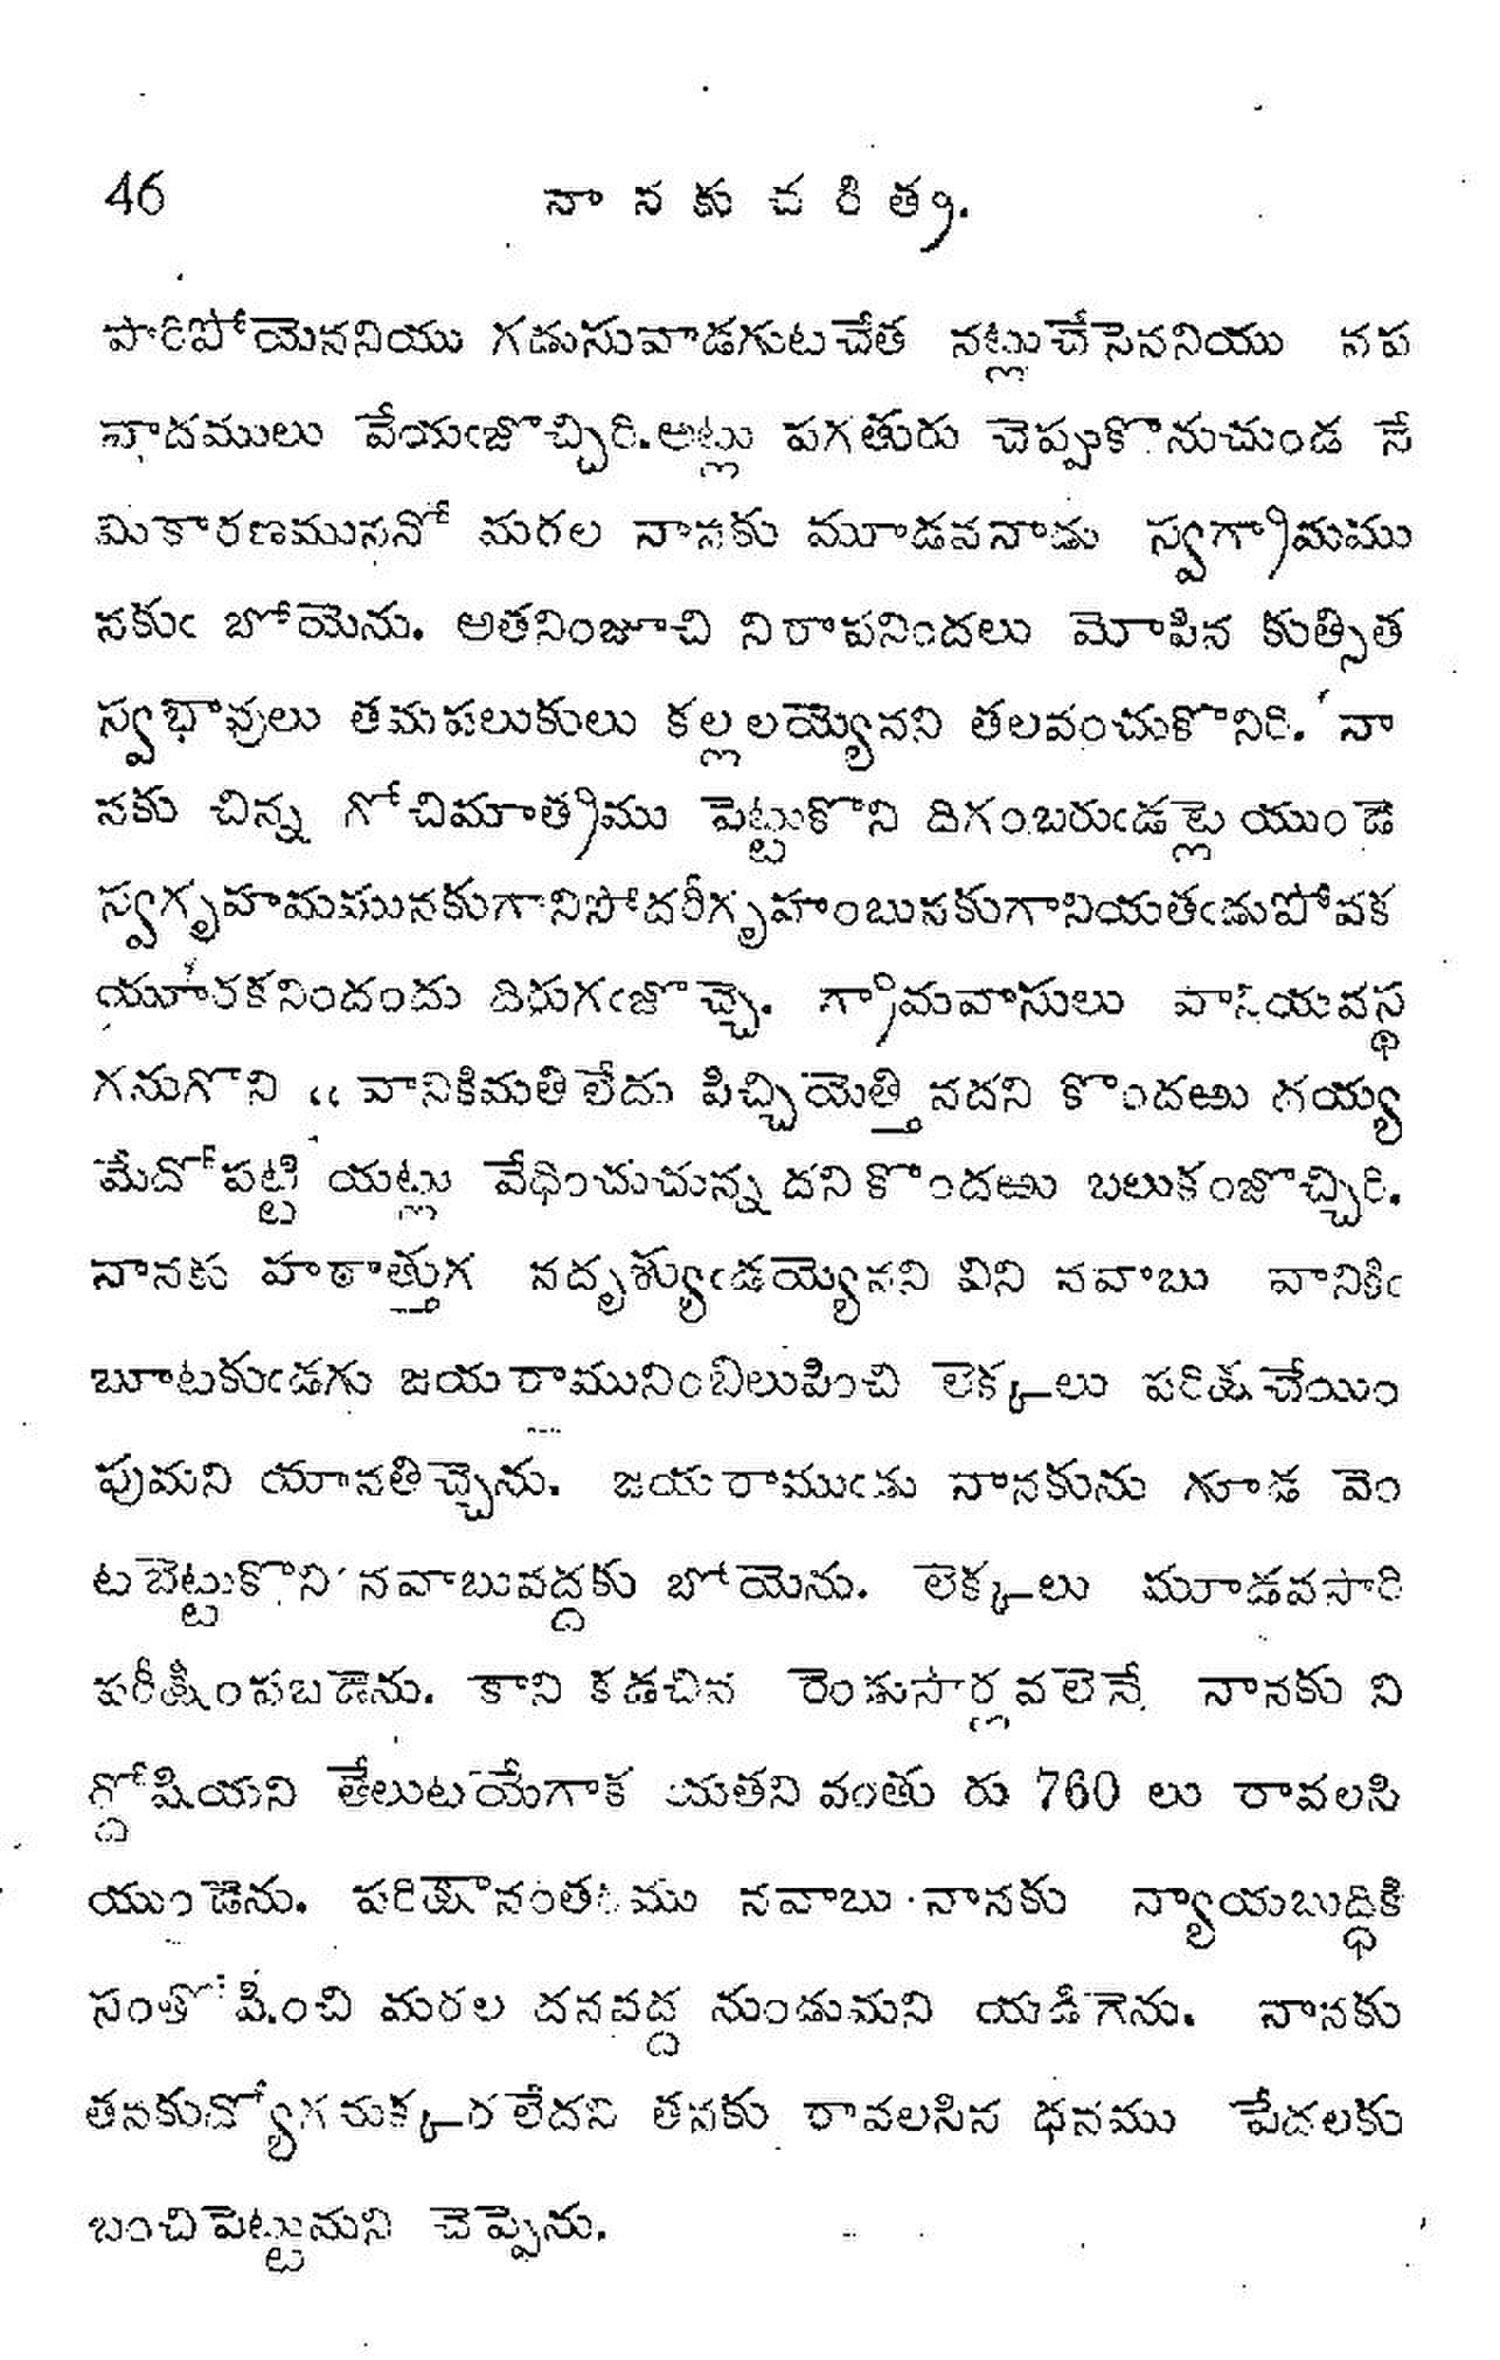పారిపోయెననియు గడుసువాడగుటచేత నట్లుచేసెననియు నపవాదములు వేయజొచ్చిరి. అట్లు పగతురు చెప్పుకొనుచుండ నేమికారణముననో మరల నానకు మూడవనాడు స్వగ్రామమునకు బోయెను. అతనింజూచి నిరాపనిందలు మోపిన కుత్సితస్వభావులు తమపలుకులు కల్లలయ్యెనని తలవంచుకొనిరి. నానకు చిన్న గోచిమాత్రము పెట్టుకొని దిగంబరుడట్లె యుండె స్వగృహమమునకుగాని సోదరీగృహంబునకుగాని యతడుపోవక యూరకనిందందు దిరుగజొచ్చె. గ్రామవాసులు వానియవస్థ గనుగొని "వానికిమతిలేదు పిచ్చియెత్తినదని కొందఱు దయ్యమేదోపట్టి యట్లు వేధించుచున్నదని కొందఱు బలుకజొచ్చిరి. నానకు హఠాత్తుగ నదృశ్యుడయ్యెనని విని నవాబు వానికి బూటకుడగు జయరామునింబిలుపించి లెక్కలు పరిక్షచేయింపుమని యానతిచ్చెను. జయరాముడు నానకును గూడ వెంటబెట్టుకొని నవాబువద్దకు బోయెను. లెక్కలు మూడవసారి పరీక్షింపబడెను. కాని కడచిన రెండుసార్లవలెనే నానకు నిర్దోషియని తేలుటయేగాక యతని వంతు రు 760 లు రావలసి యుండెను. పరీక్షానంతరము నవాబు నానకు న్యాయబుద్ధికి సంతోషించి మరల దనవద్ద నుండుమని యడిగెను. నానకు తనకుద్యోగమక్కరలేదని తనకు రావలసిన ధనము పేదలకు బంచిపెట్టమని చెప్పెను.